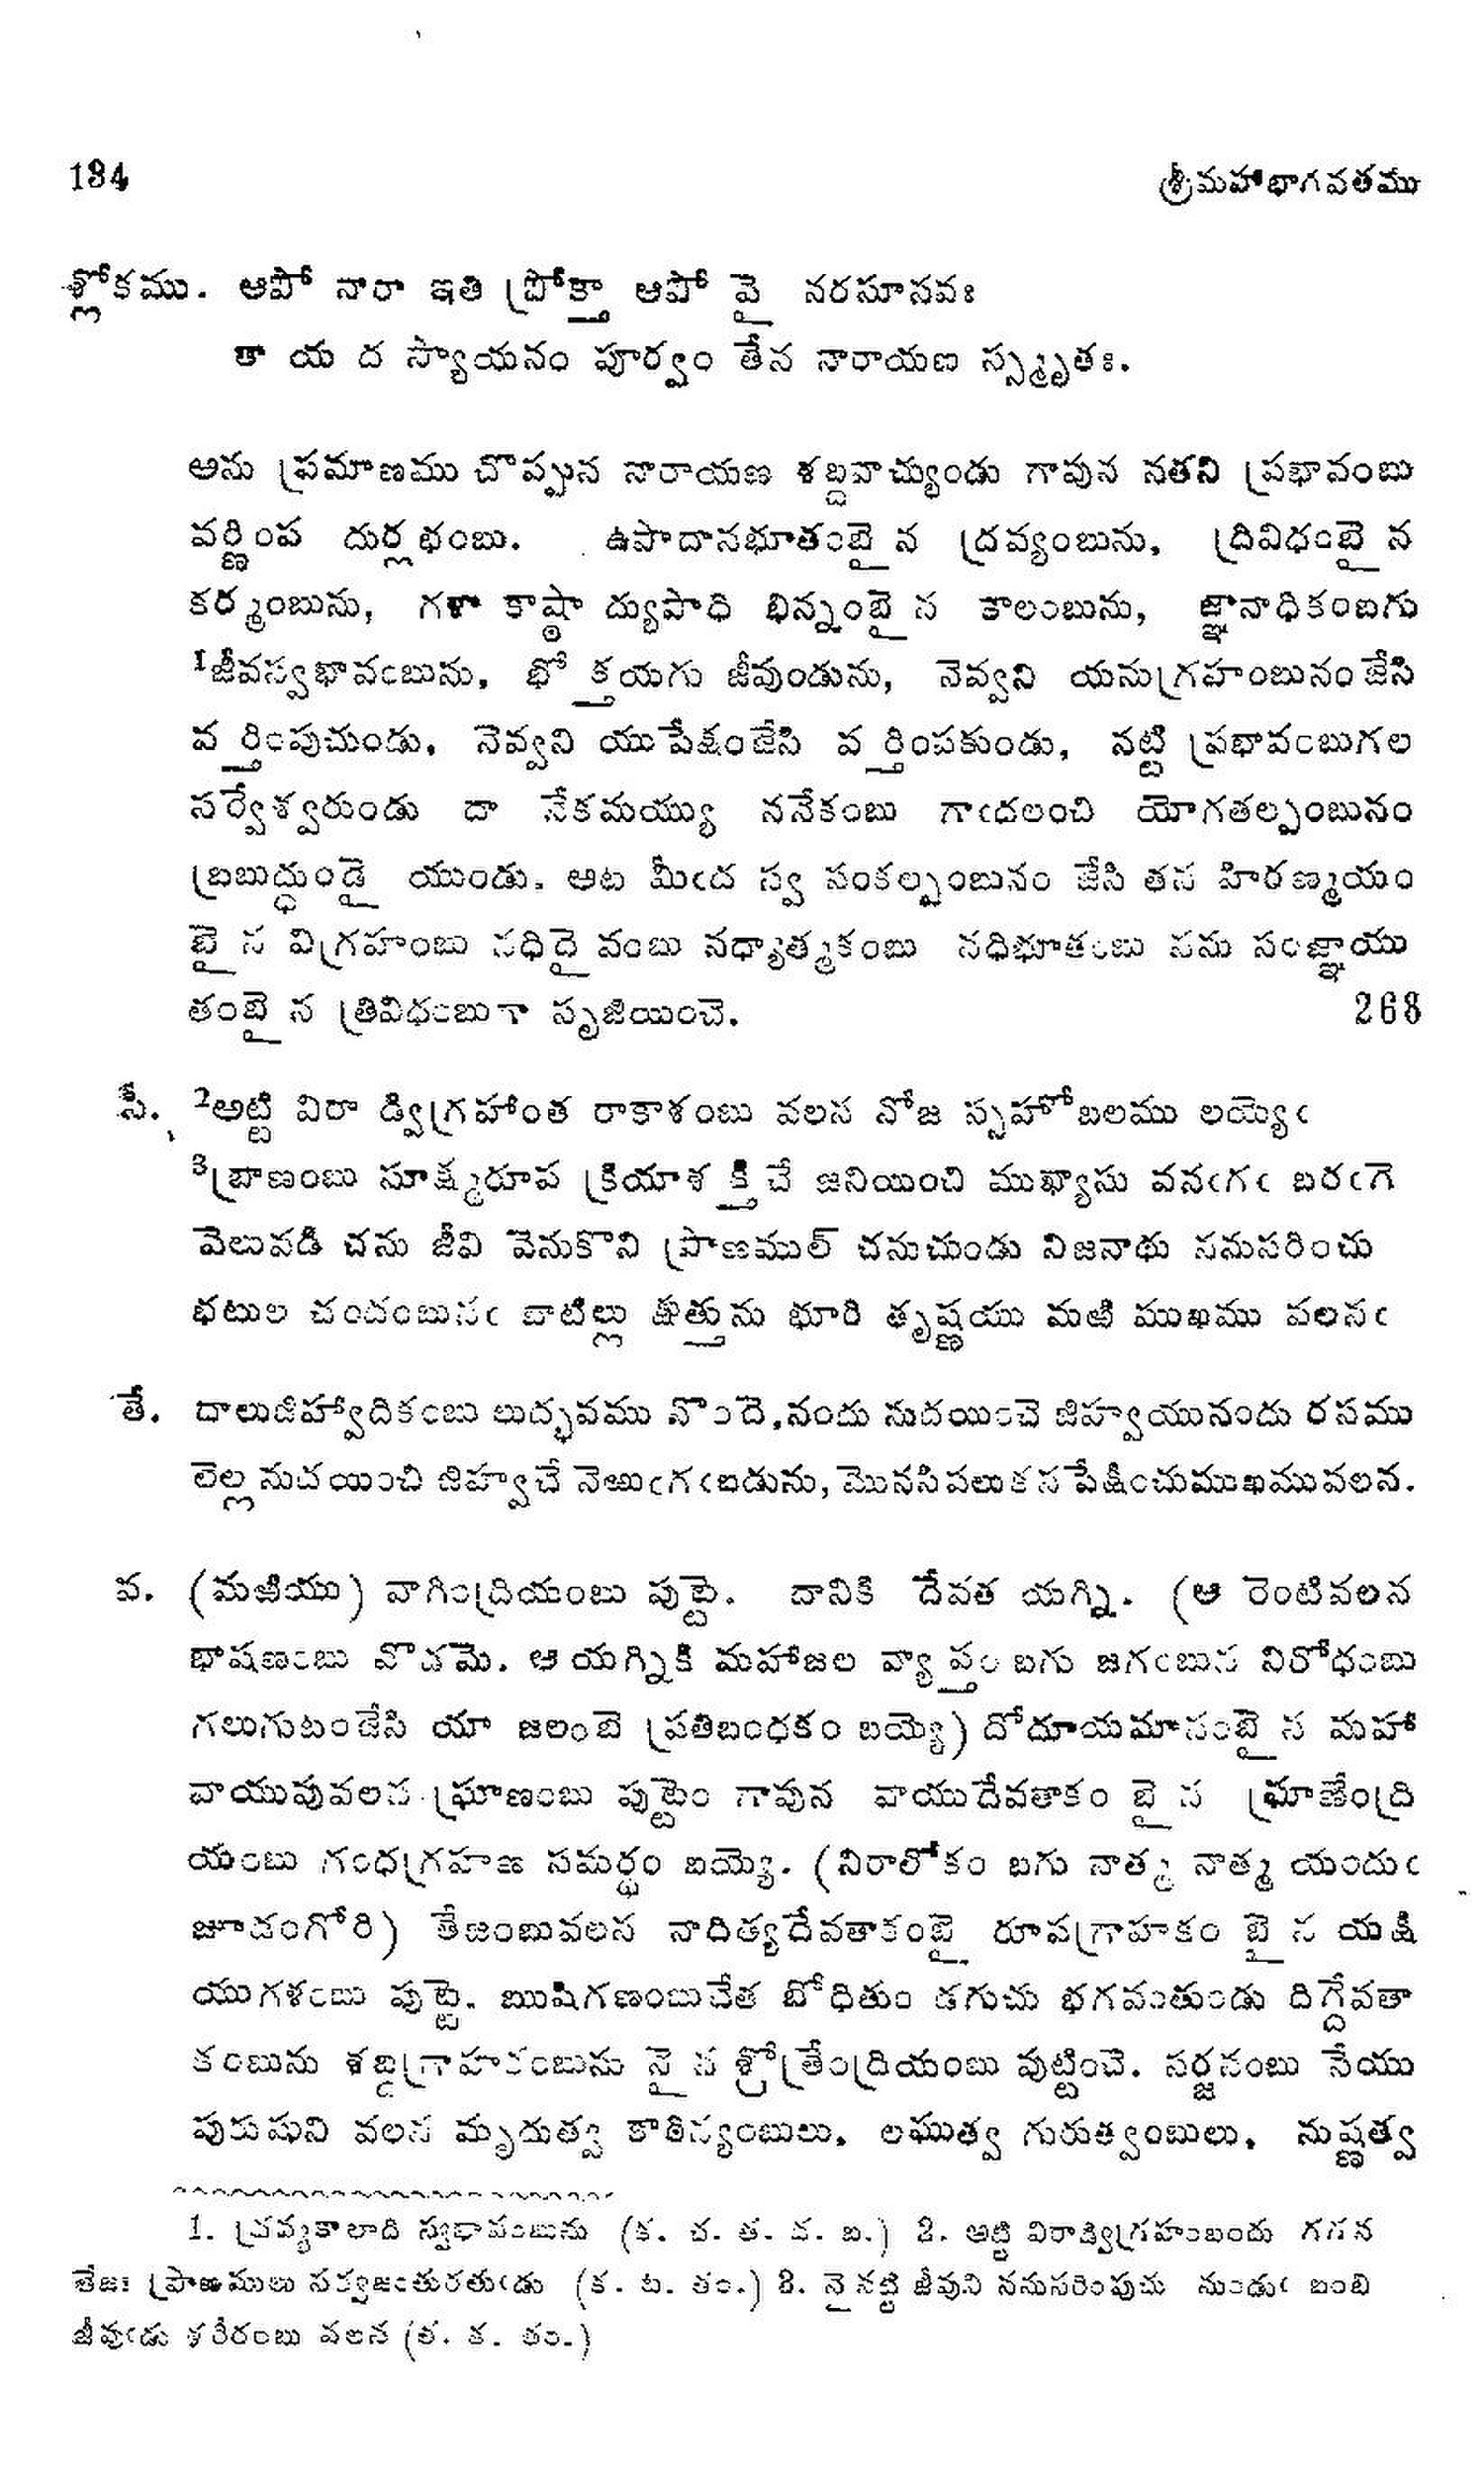134

శ్లోకము. ఆపో నారా ఇతి ప్రోక్తా ఆపో వై నరసూనవః

తా య ద స్యాయనం పూర్వం తేన నారాయణ స్స్మృతః.

అను ప్రమాణము చొప్పున నారాయణ శబ్దవాచ్యుండు గావున నతని ప్రభావంబు వర్ణింప దుర్లభంబు. ఉపాదానభూతంబైన ద్రవ్యంబును, ద్రివిధంబైన కర్మంబును, గళా కాష్ఠా ద్యుపాధి 

భిన్నంబైన కాలంబును, జ్ఞానాధికంబగు జీవస్వభావంబును, భోక్తయగు జీవుండును, నెవ్వని యనుగ్రహంబునంజేసి వర్తింపుచుండు, నెవ్వని యుపేక్షంజేసి వర్తింపకుండు, నట్టి ప్రభావంబుగల 

సర్వేశ్వరుండు దా నేకమయ్యు ననేకంబు గాఁదలంచి యోగతల్పంబునం బ్రబుద్ధుండై యుండు. అట మీఁద స్వ సంకల్పంబునం జేసి తన హిరణ్మయంబైన విగ్రహంబు నధిదైవంబు 

నధ్యాత్మకంబు నధిభూతంబు నను సంజ్ఞాయుతంబైన త్రివిధంబుగా సృజియించె. (268)

సీ.అట్టి విరా డ్వీగ్రహాంత రాకాశంబు వలన నోజ స్సహోబలము లయ్యెఁ

బ్రాణంబు సూక్ష్మరూప క్రియాశక్తిచే జనియించి ముఖ్యాసు వనఁగఁ బరఁగె

వెలుపడి చను జీవి వెనుకొని ప్రాణముల్ చనుచుండు నిజనాథు ననుసరించు

భటుల చందంబునఁ బాటిల్లు క్షుత్తును భూరి తృష్ణయు మఱి ముఖము వలనఁ

తే. దాలుజిహ్వాదికంబు లుద్భవము నొందె, నందు నుదయించె జిహ్వయునందు రసము 

లెల్లనుదయించె జిహ్వచే నెఱుఁగఁబడును,మొనసిపలుకనపేక్షించుముఖమువలన. (269)

వ. (మఱియు) వాగింద్రియంబు పుట్టె.దానికి దేవత యగ్ని. (ఆ రెంటివలన భాషణంబు వొడమె. ఆ యగ్నికి మహాజల వ్యాప్తంబగు జగంబున నిరోధంబు గలుగుటంజేసి యా జలంబె 

ప్రతిబంధకం బయ్యె) దోదూయమానంబైన మహావాయువువలన ఘ్రాణంబు పుట్టెం గావున వాయుదేవతాకంబైన ఘ్రాణేంద్రియంబు గంధగ్రహణ సమర్థం బయ్యె. (నిరాలోకం బగు నాత్మ నాత్మ 

యందుఁ జూదంగోరి) తేజంబువలన నాదిత్యదేవతాకంబై రూపగ్రాహకంబైన యక్షి యుగళంబు పుట్టె. ఋషిగణంబుచేత బోధితుం డగుచు భగవంతుండు దిగ్దేవతాకంబును శబ్దగ్రాహకంబును 

నైన శ్రోత్రేంద్రియంబు పుట్టించె. సర్జనంబు సేయు పురుషుని వలన మృదుత్వ కాఠిన్యంబులు, లఘుత్వ గురుత్వంబులు, నుష్ణత్వ